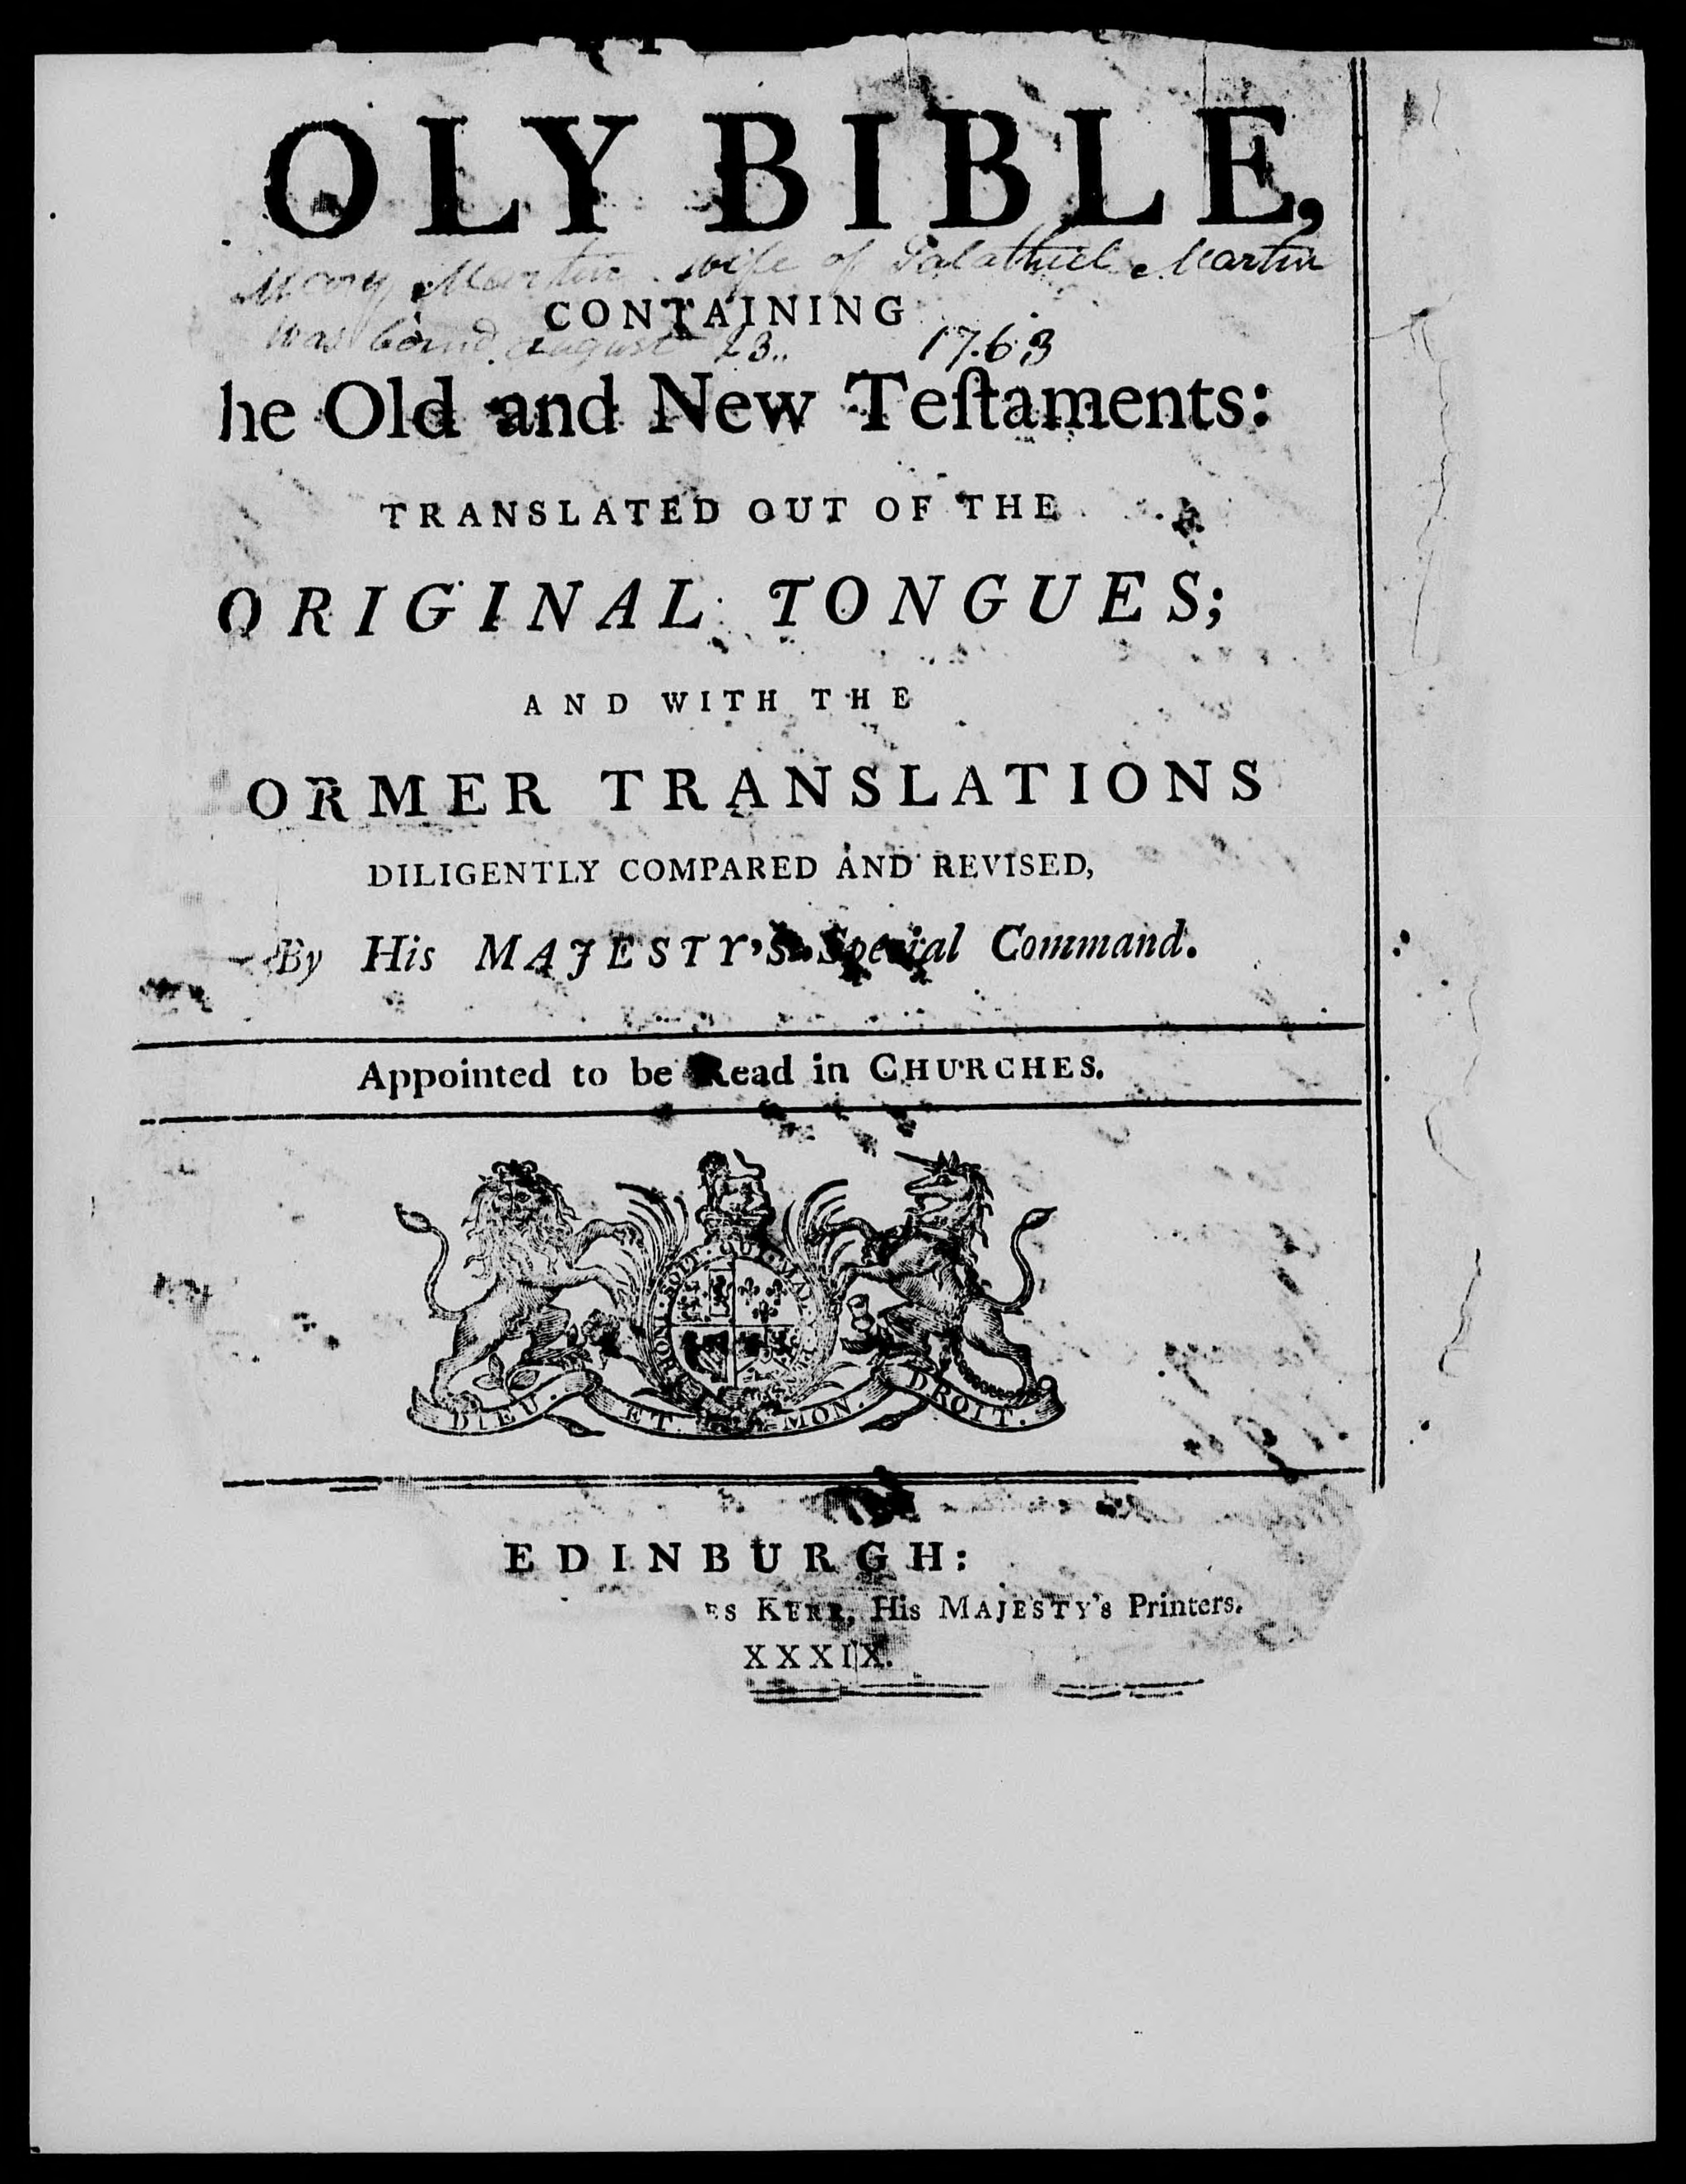[page damage] 
[printed, handwritten notes]
OLY [HOLY] BIBLE, 

[begin handwriting between printed lines]
Mary Martin wife of Salathiel Martin
was born August 23. 1763
[end handwriting]

CONTAINING 
he [The] Old and New Teftaments [Testaments]: 
TRANSLATED OUT OF THE 
ORIGINAL TONGUES; 
AND WITH THE 
ORMER TRANSLATIONS 
DILIGENTLY COMPARED AND REVISED, 
By His MAJESTY'S Special Command. 
Appointed to be Read in CHURCHES. 
[symbol of lion and unicorn] 
EDINBURGH; 
[page damage] ES KERR, His MAJESTY'S Printers. 
[page damage] XXXIX.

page: 17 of 120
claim: widow's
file: W. 1044, for Salathiel Martin, North Carolina